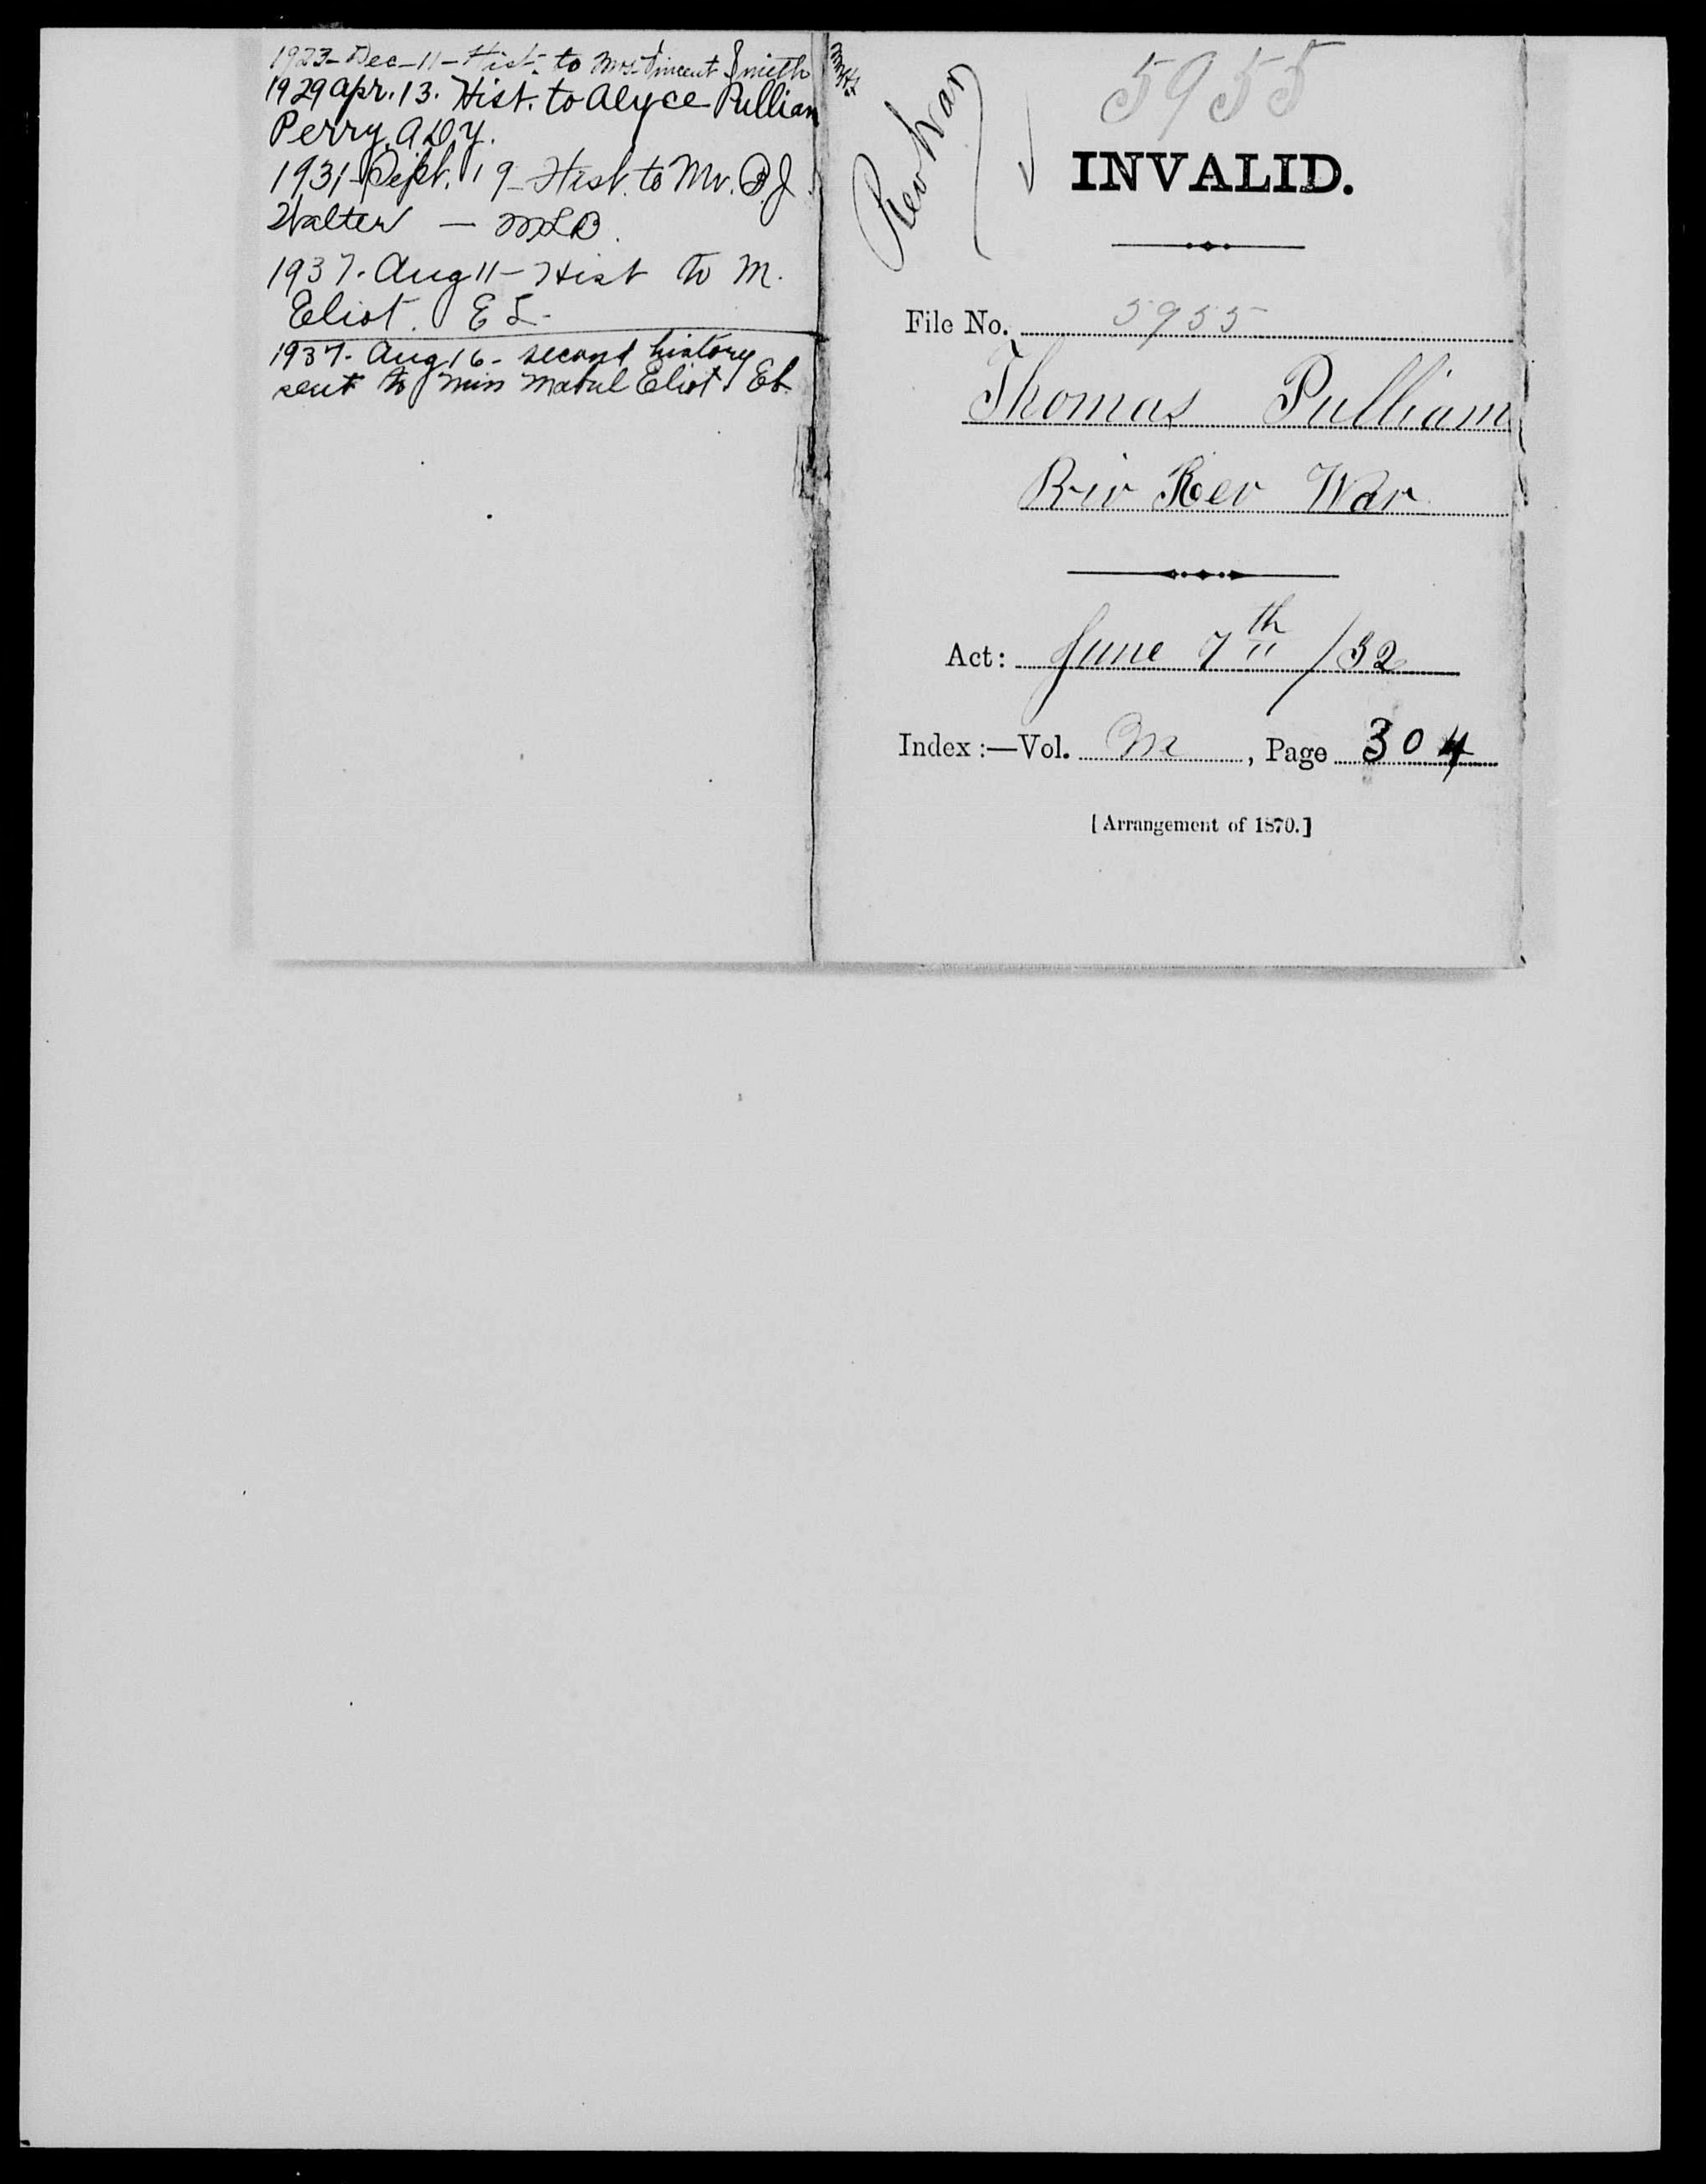1923 - Dec. 1 - Hist to Mr. Vincent Smith
1929 Apr. 13. Hist. to Alice Pulliam
Perry, A.D.Y.
1931 Sept. 19. Hist. to Mr. P. J.
Walter _ MLB
1937. Aug 1 - Hist to Mr
Eliot. E. L.

1937. Aug 16, second history
sent to Miss Matal Eliot Eb.

Rev War
5955
INVALID.

File No. 5955
Thomas Pulliam
Priv Rev War

Act: June 7th /32
1
Index: -- Vol. M, Page 304

[Arrangement of 1870.]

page: 7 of 27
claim: survivor's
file: S. 5,955, for Thomas Pulliam, Virginia